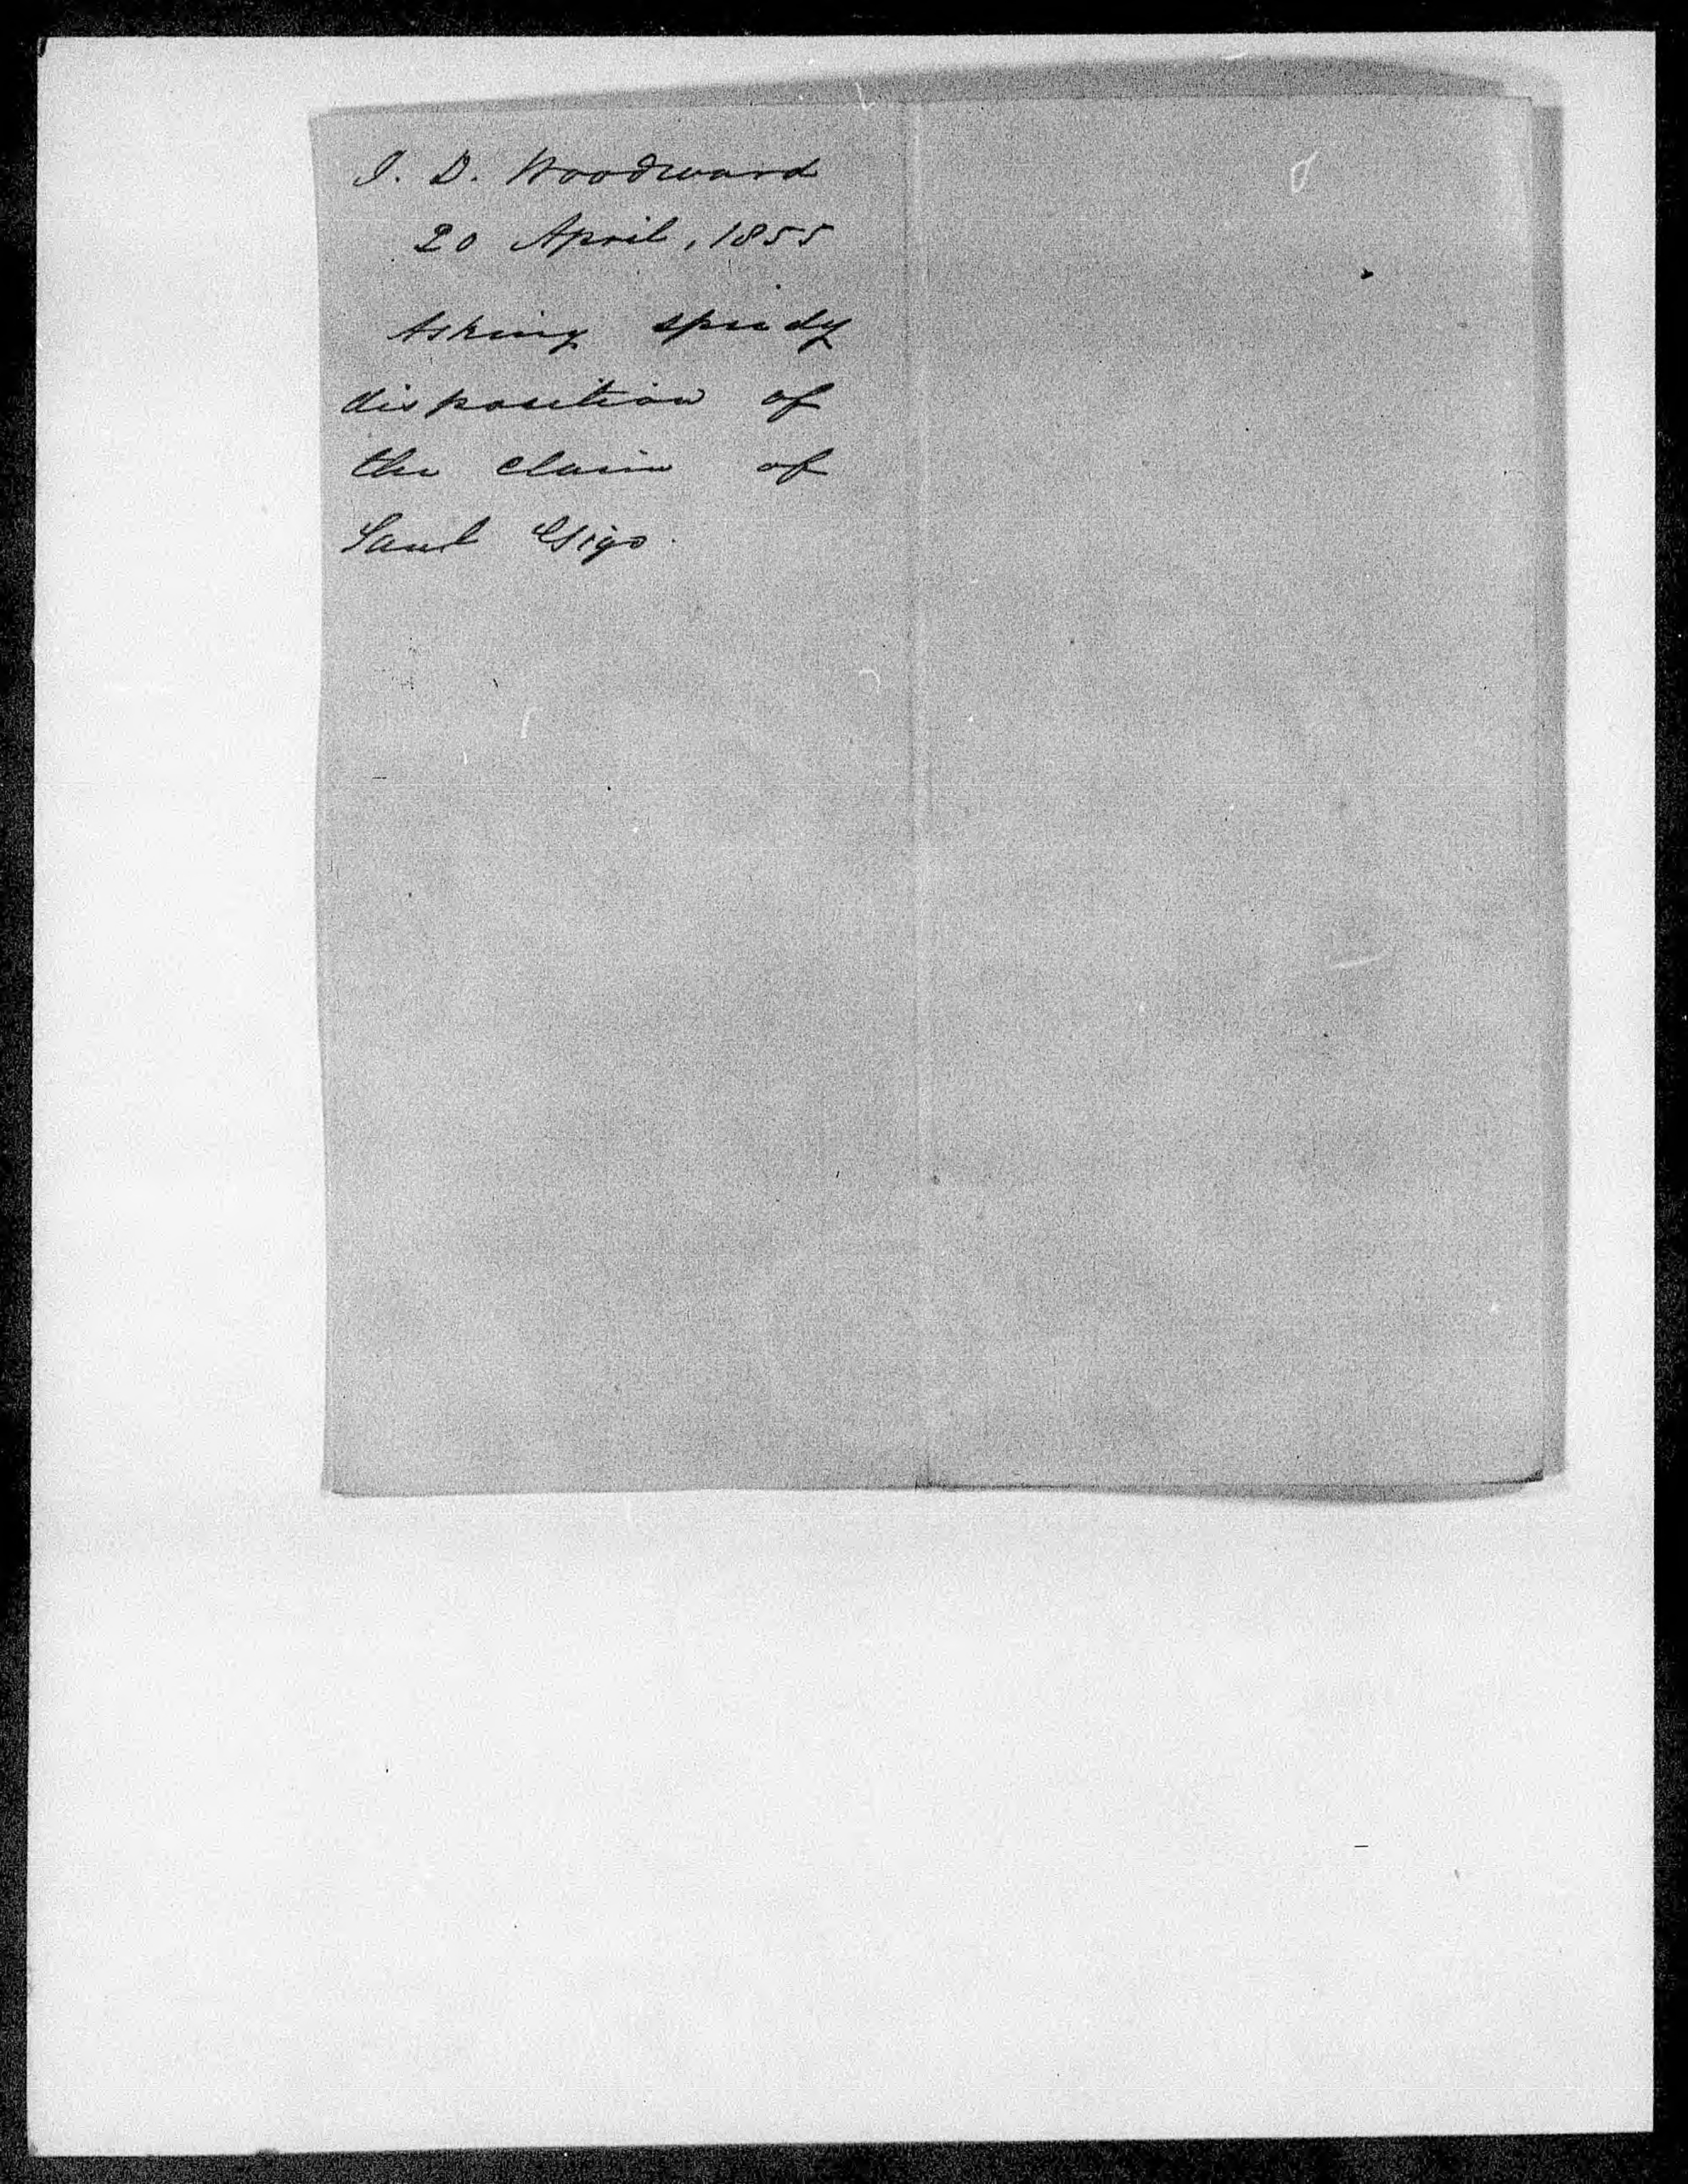J D Woodward
20 April 1855

Asking speedy disposition of the claim of  Saml Gigo.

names: J D Woodward, Saml Gigo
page: 97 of 98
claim: widow's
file: W. 21182, Francis Gigo, Continental (Canadian)